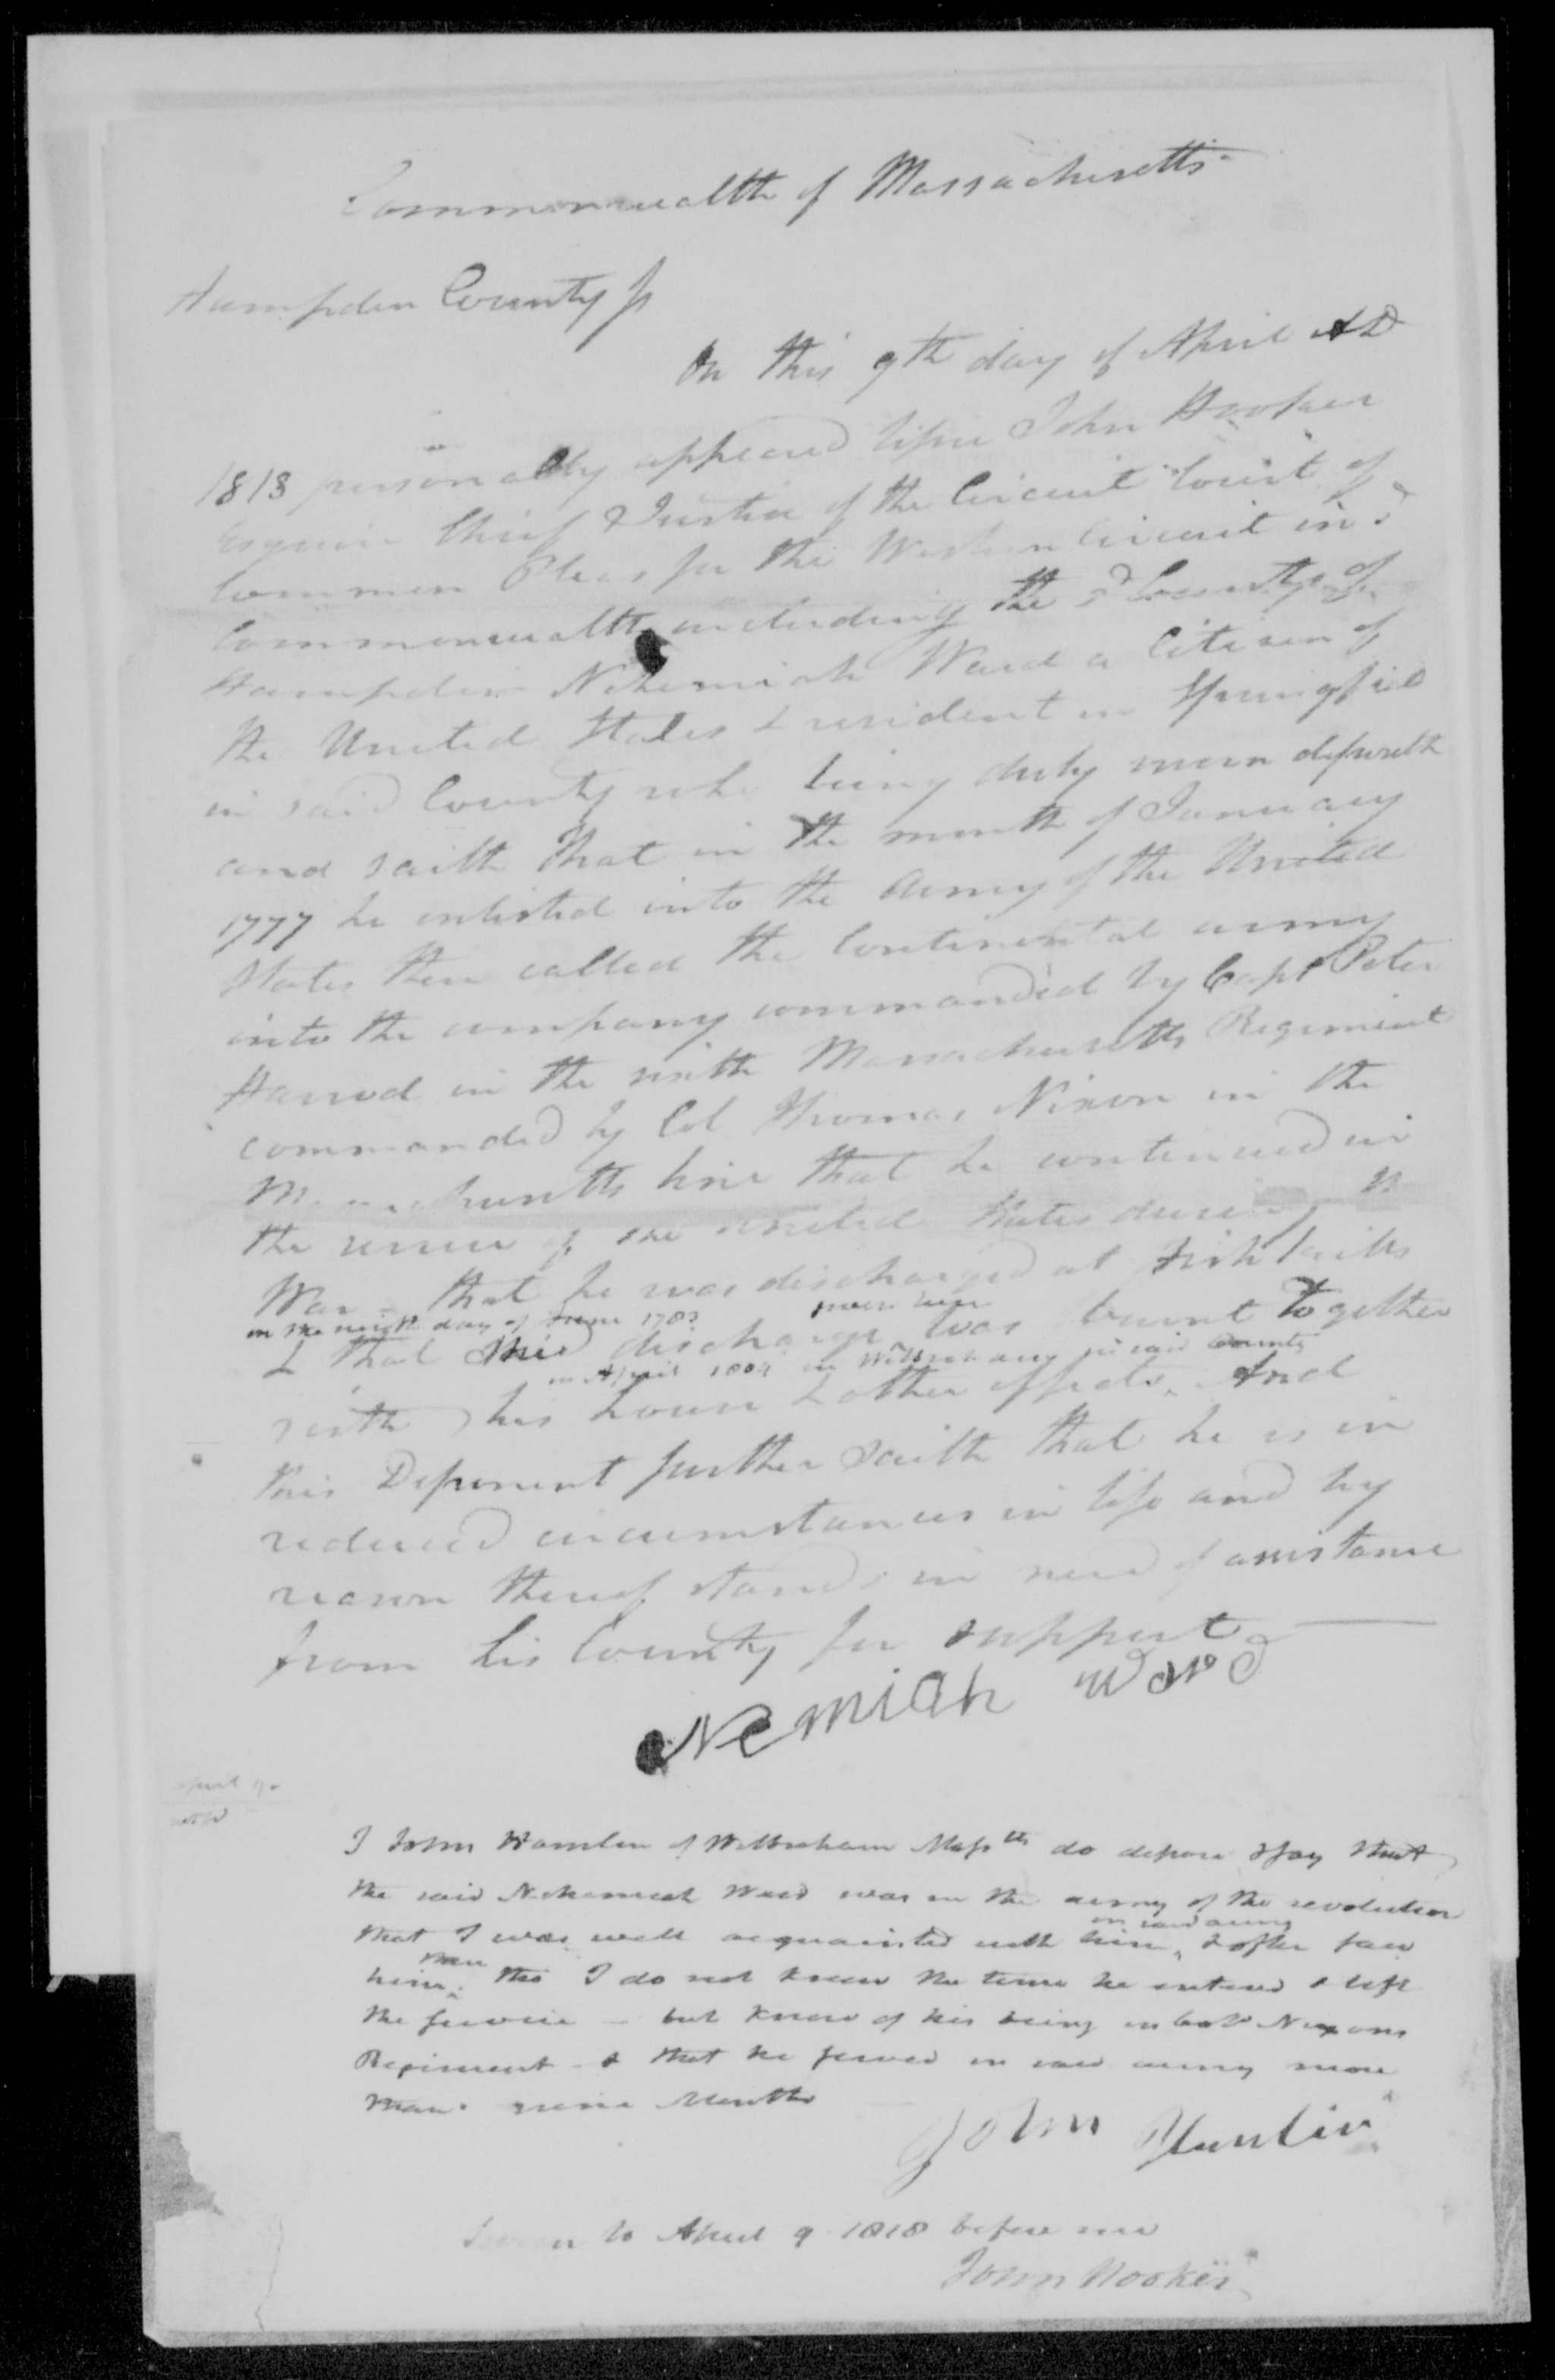Commonwealth of Massachusetts 
Hampden County ss 
On this 9th day of April AD 1818 personally appeared before John Hooker Esquire Chief Justice of the Circuit Court of Common Pleas for the Western Circuit Court in Commonwealth including the County of Hampden Nehemiah Ward a Citizen of United States & resident in Springfield in said County who being duly sworn deposeth and saith that in the month of January 1777 he enlisted into the Army of the United States then called the Continental army into the company commanded by Capt Peter Harrod in the ninth Massachusetts Regiment commanded by Col Thomas Nixon in the Massachusetts line that he continued in the service of the United States during the War - that he was discharged at Fishkills on the ninth day of June 1783 & that this discharge was burnt together with his house & other effects in April 1804 in Wilbraham in said County.  And this Deponent further saith that he is in reduced circumstances in life and by reason thereof stands in need of assistance from his Country for support 
Nemiah Ward

April 9 
mass 
I John Hamlin of Wilbraham Masstts do depose & say that the said Nehemiah Ward was in the army of the revolution that I was well acquainted with him in said army & often saw him then.  Tho I do not know the time he entered & left the service -- but know of his being in Col Nixons Regiment & that he served in said army more than nine months 
John Hamlin 

Sworn to April 9 1818 before me 
John Hooker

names: Peter Harrod, John Hamlin, John Hamlin, Thomas Nixon, John Hooker, Nehemiah Ward, Nemiah Ward, Nehemiah Ward, John Hooker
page: 9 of 9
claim: survivor's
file: S. 33869, Nehemiah Ward, Mass.